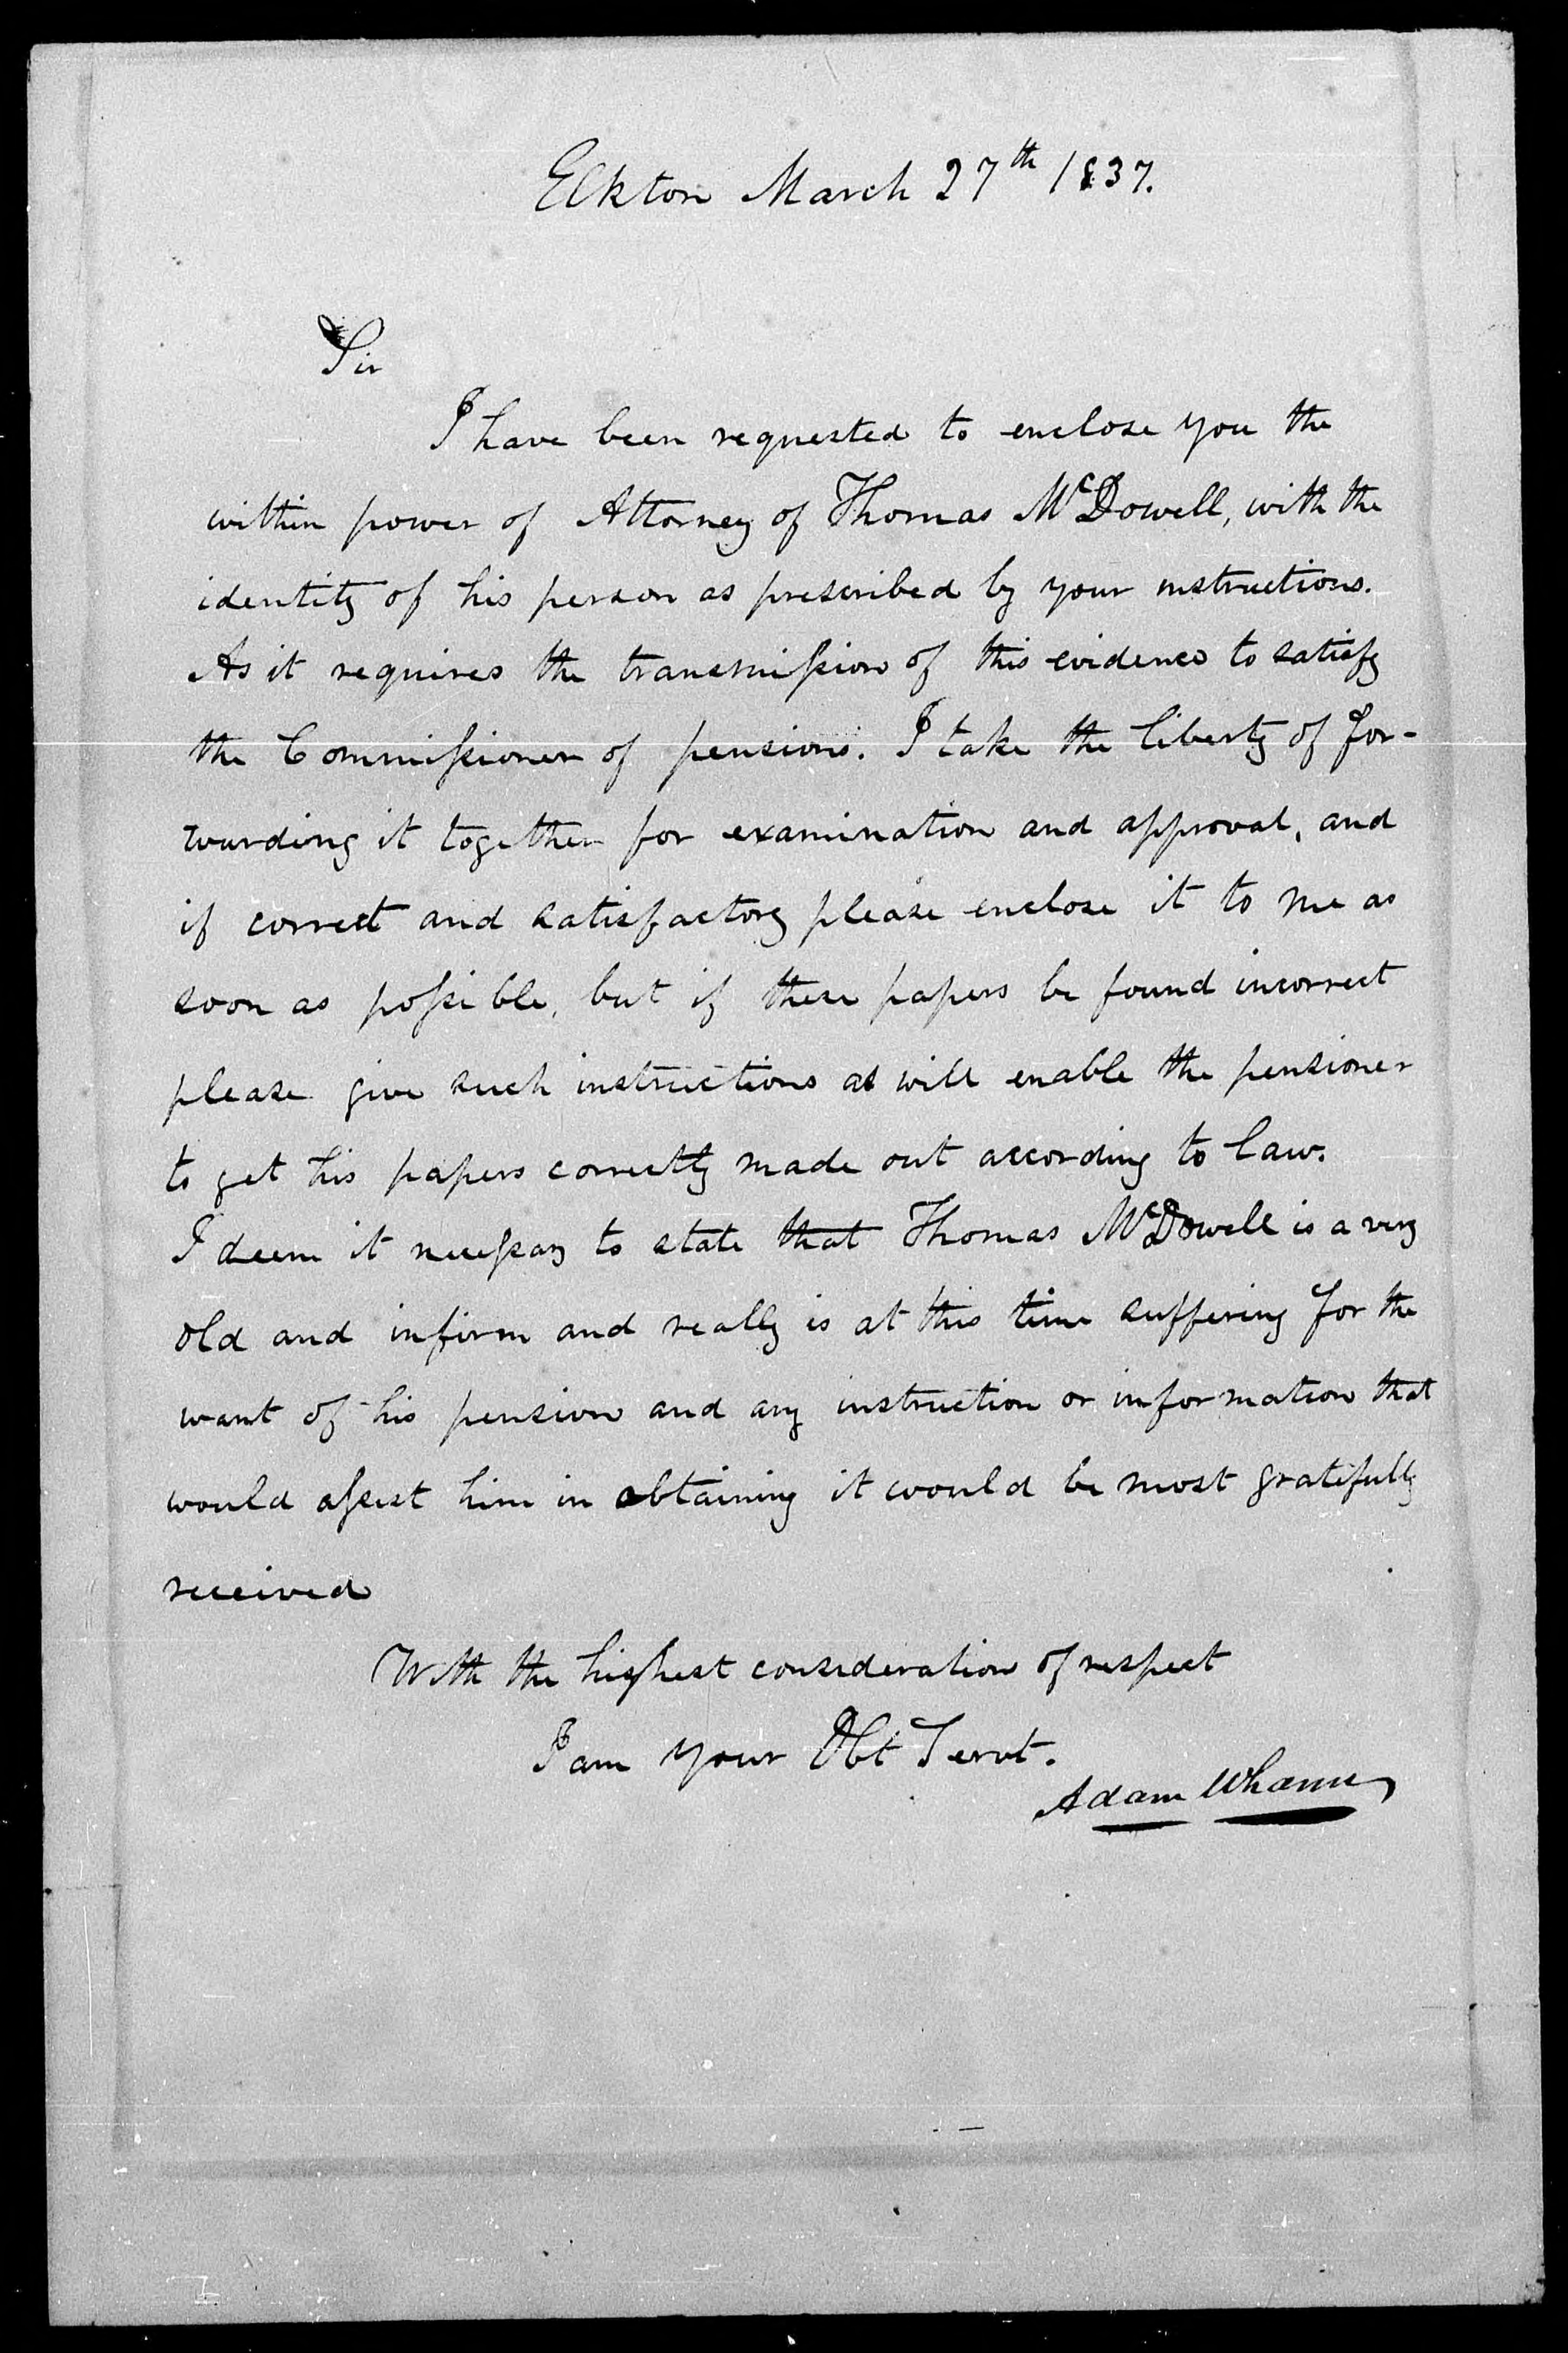Elkton March 27th 1837.

Sir
I have been requested to enclose you the within power of Attorney of Thomas McDowell, with the identity of his person as prescribed by your instructions. As it requires the transmission of this evidence to satisfy the Commissioner of pensions. I take the liberty of forwarding it together for examination and approval, and if correct and satisfactory please enclose it to me as soon as possible, but if these papers be found incorrect please give such instructions as will enable the pensioner to get his papers correctly made out according to law. I deem it [illegible] to stat that Thomas McDowell is a very old and infirm and really is at this time suffering for the want of his pension and any instruction of information that would [illegible] him in obtaining it could be most gratefully received

With the highest consideration of respect I am your Old Servt.

Adam Whann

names: Thomas Mc Dowell; Adam Whann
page: 58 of 63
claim: widow's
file: W 2957, for Thomas Mc Dowell, Maryland